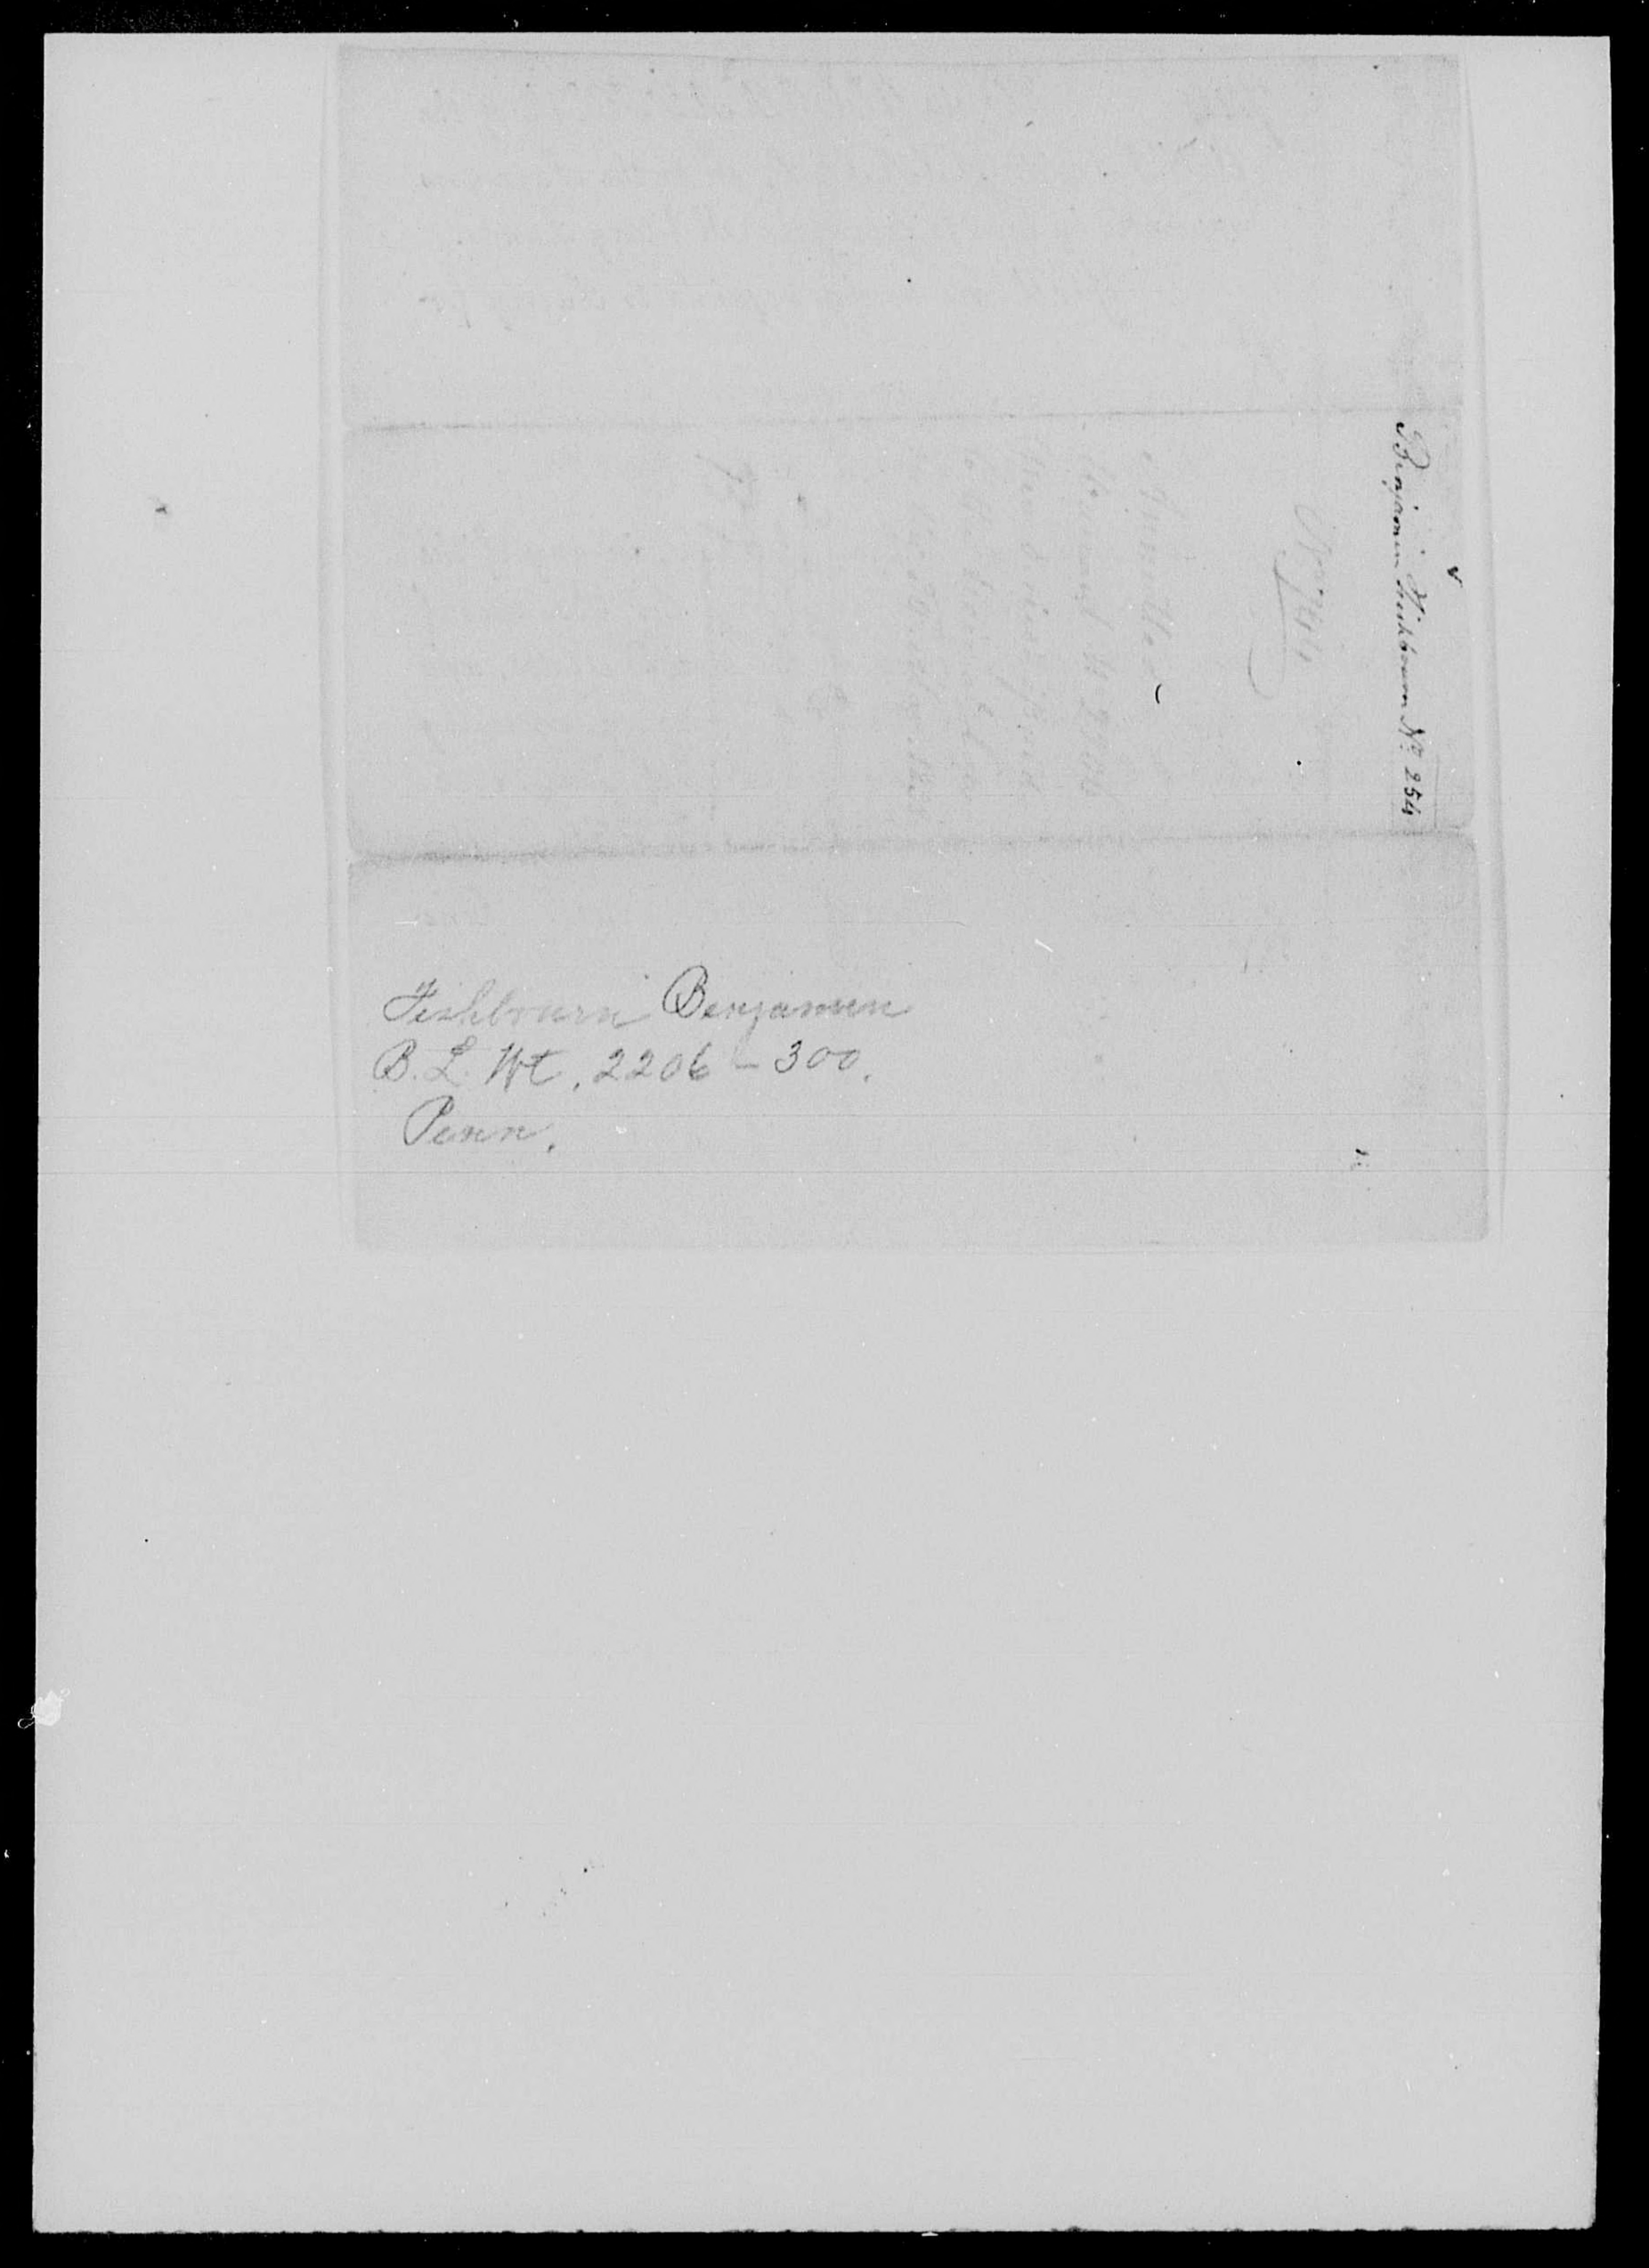Benjamin Fishbourn No. 254

Fishborn Benjamin
B.L. Wt. 2206-300.
Penn.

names: Benjamin Fishbourn, Benjamin Fishbourn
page: 9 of 11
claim: bounty land warrant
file: B.L.Wt. 2,206-300, Benjamin Fishbourn, Penn.